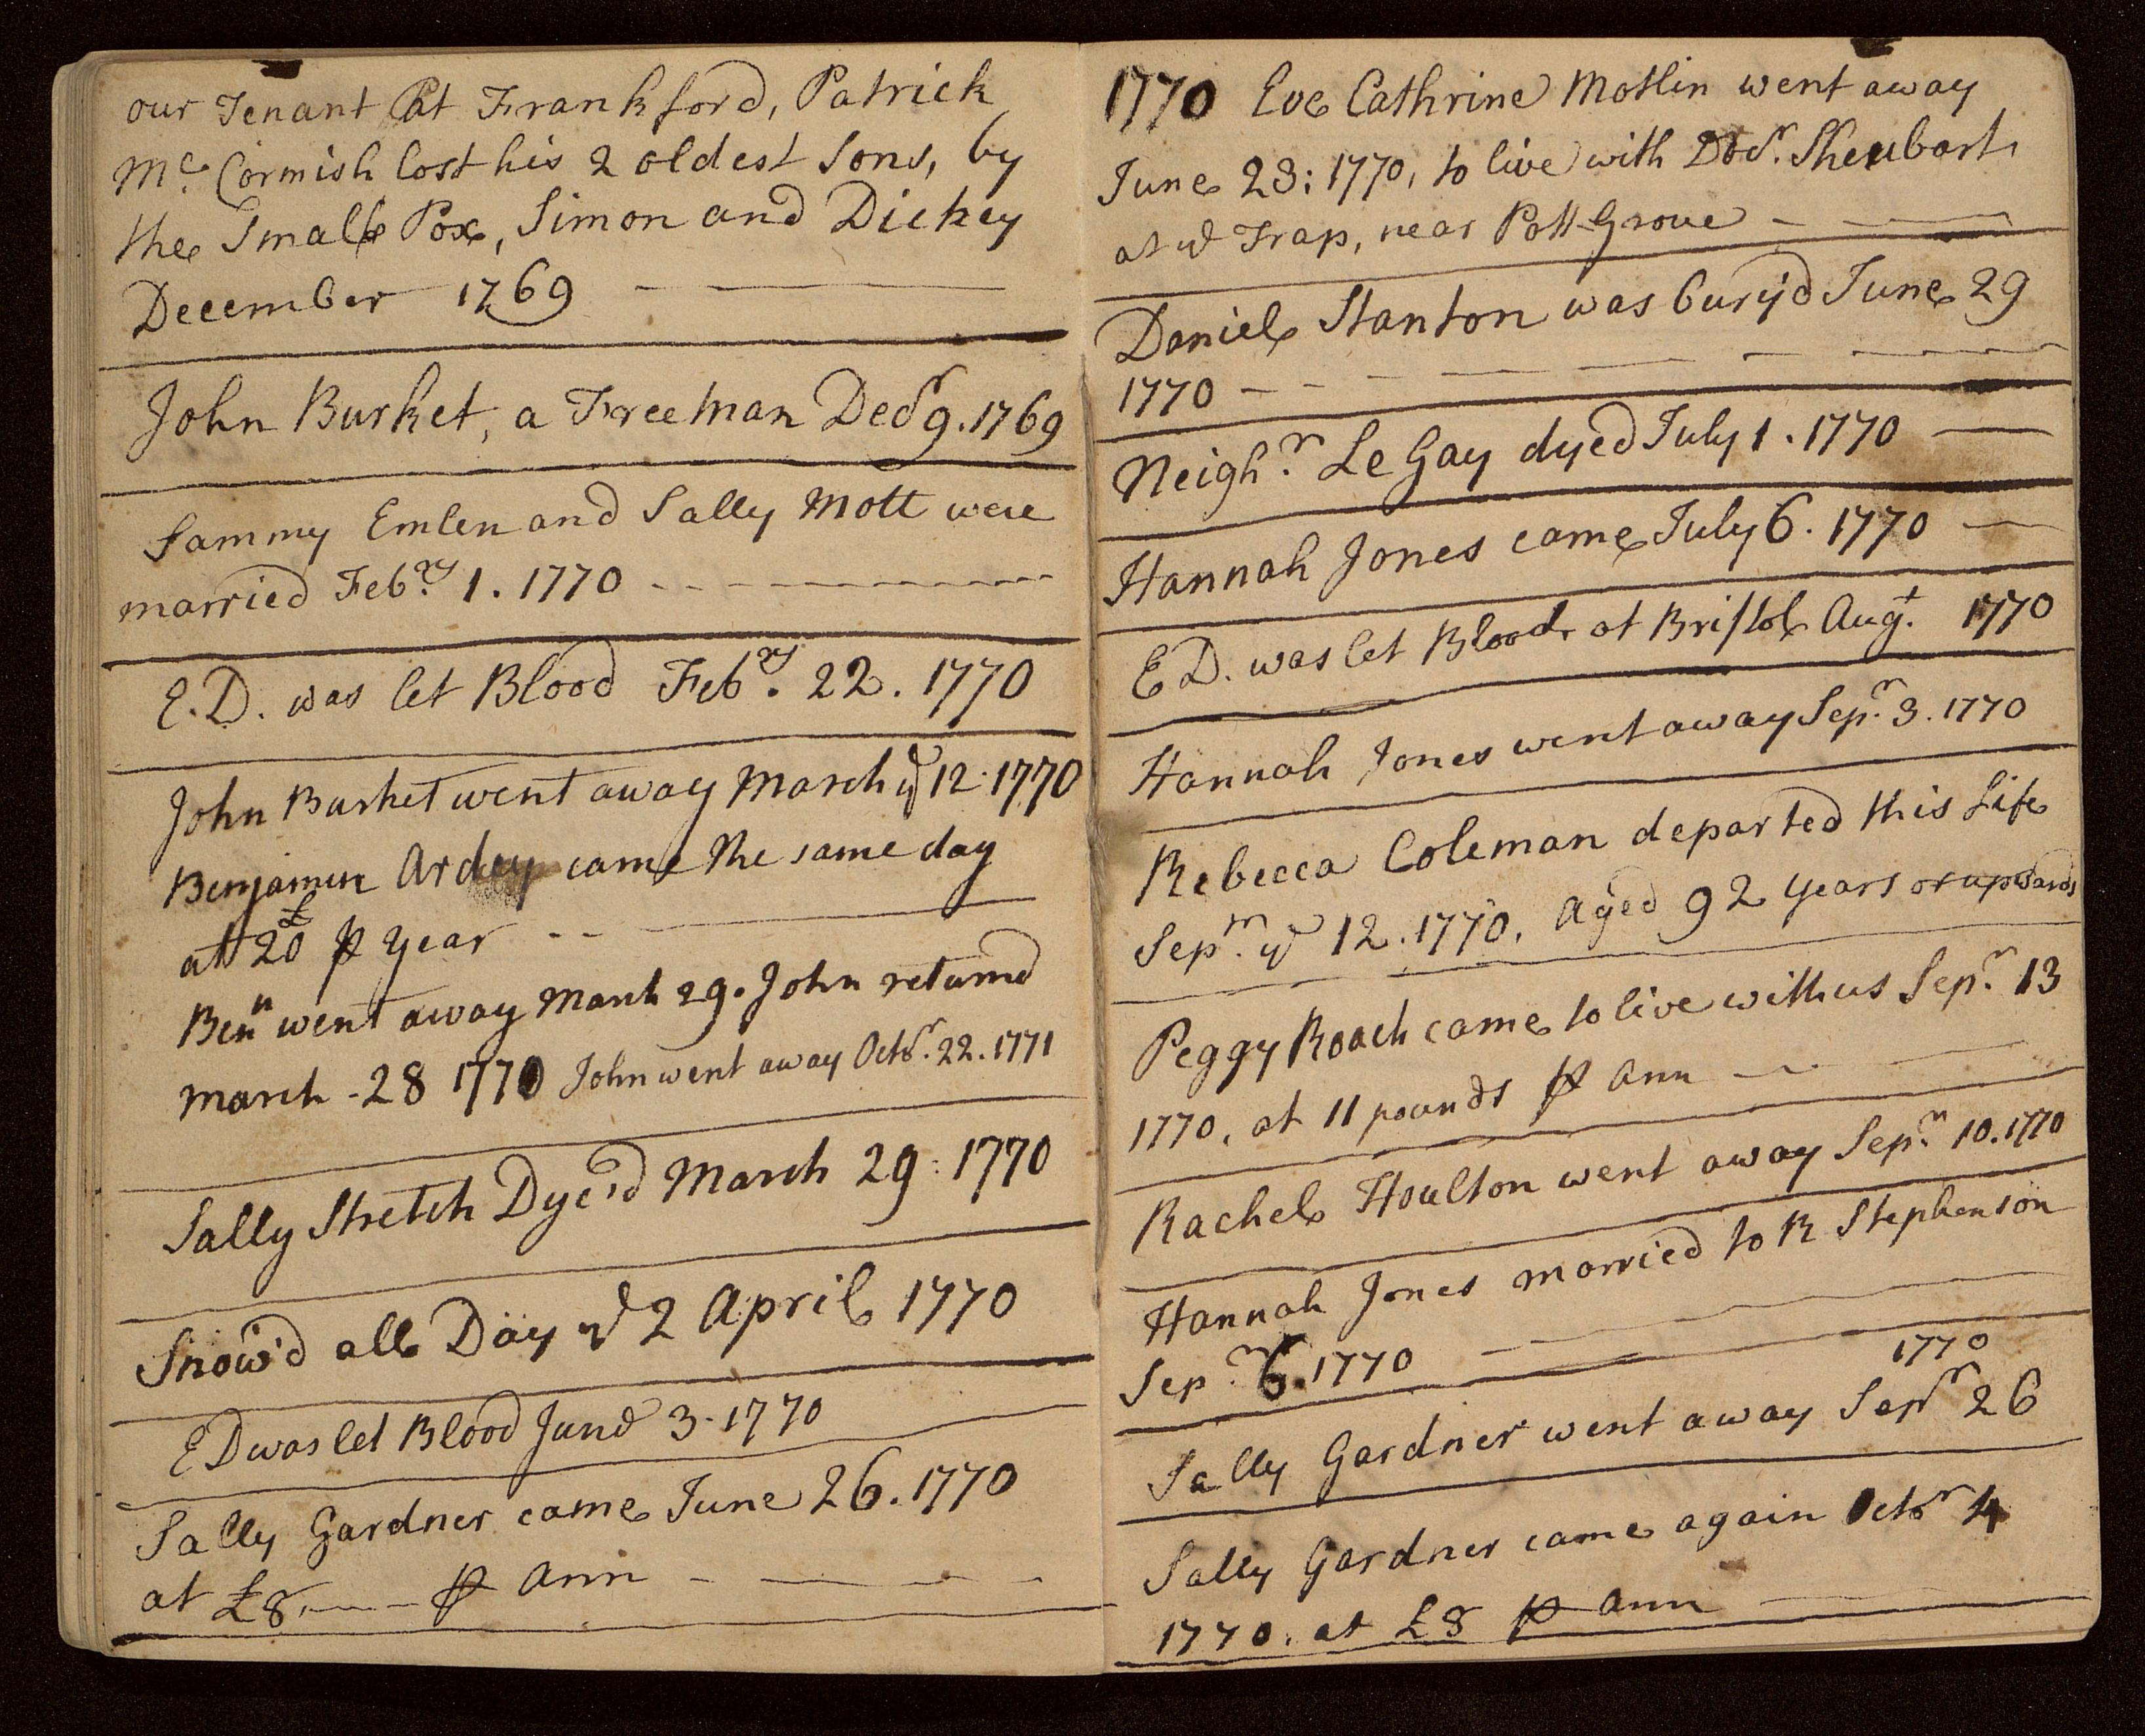our Tenant at Frankford, Patrick
M^c Cormish lost his 2 oldest Sons, by
the Small Pox, Simon and Dickey
December 1769
John Burket, a Free Man Dec^r 9. 1769
Sammy Emlen and Sally Mott were
married Feb^ry 1. 1770 -
E.D. was let Blood Feb^ry 22. 1770
John Burket went away March y^e 12 1770
Benjamin Ardey came the same day
at 20 sterlings per year
Ben^n went away March 29. John returnd
March - 28 1770 John went away Oct^r 22. 1771
Sally S[h]etch Dye'd March 29 1770
Snow'd all Day y^e 2 April 1770
ED was let Blood June 3-1770
Sally Gardner came June 26. 1770
at 8 sterlings - per Ann
1770 Eve Cathrine Motlin went away
June 23: 1770, to live with Doc^r Sheubort
at y^e [Frap], near Pott-Grove-
Daniel Stanton was bury'd June 29
1770-
Neigh^r LeGay dyed July 1, 1770 -
Hannah Jones came July 6. 1770 -
ED. was let Blood at Bristol Aug^t 1770
Hannah Jones went away Sep^r 3. 1770
Rebecca Coleman departed this Life
Sep^m y^e 12. 1770. Aged 92 years of upwards
Peggy Roach came to live with us Sep^r 13
1770. at 11 pounds per Ann -
Rachel Houlton went away Sep^m 10. 1770
Hannah Jones married to R Stehpenson
Sep^m 6. 1770
1770
Sally Gardner went away Sep^r 26
Sally Gardner came again Oct^r 4
1770. at 8 sterlings per Ann